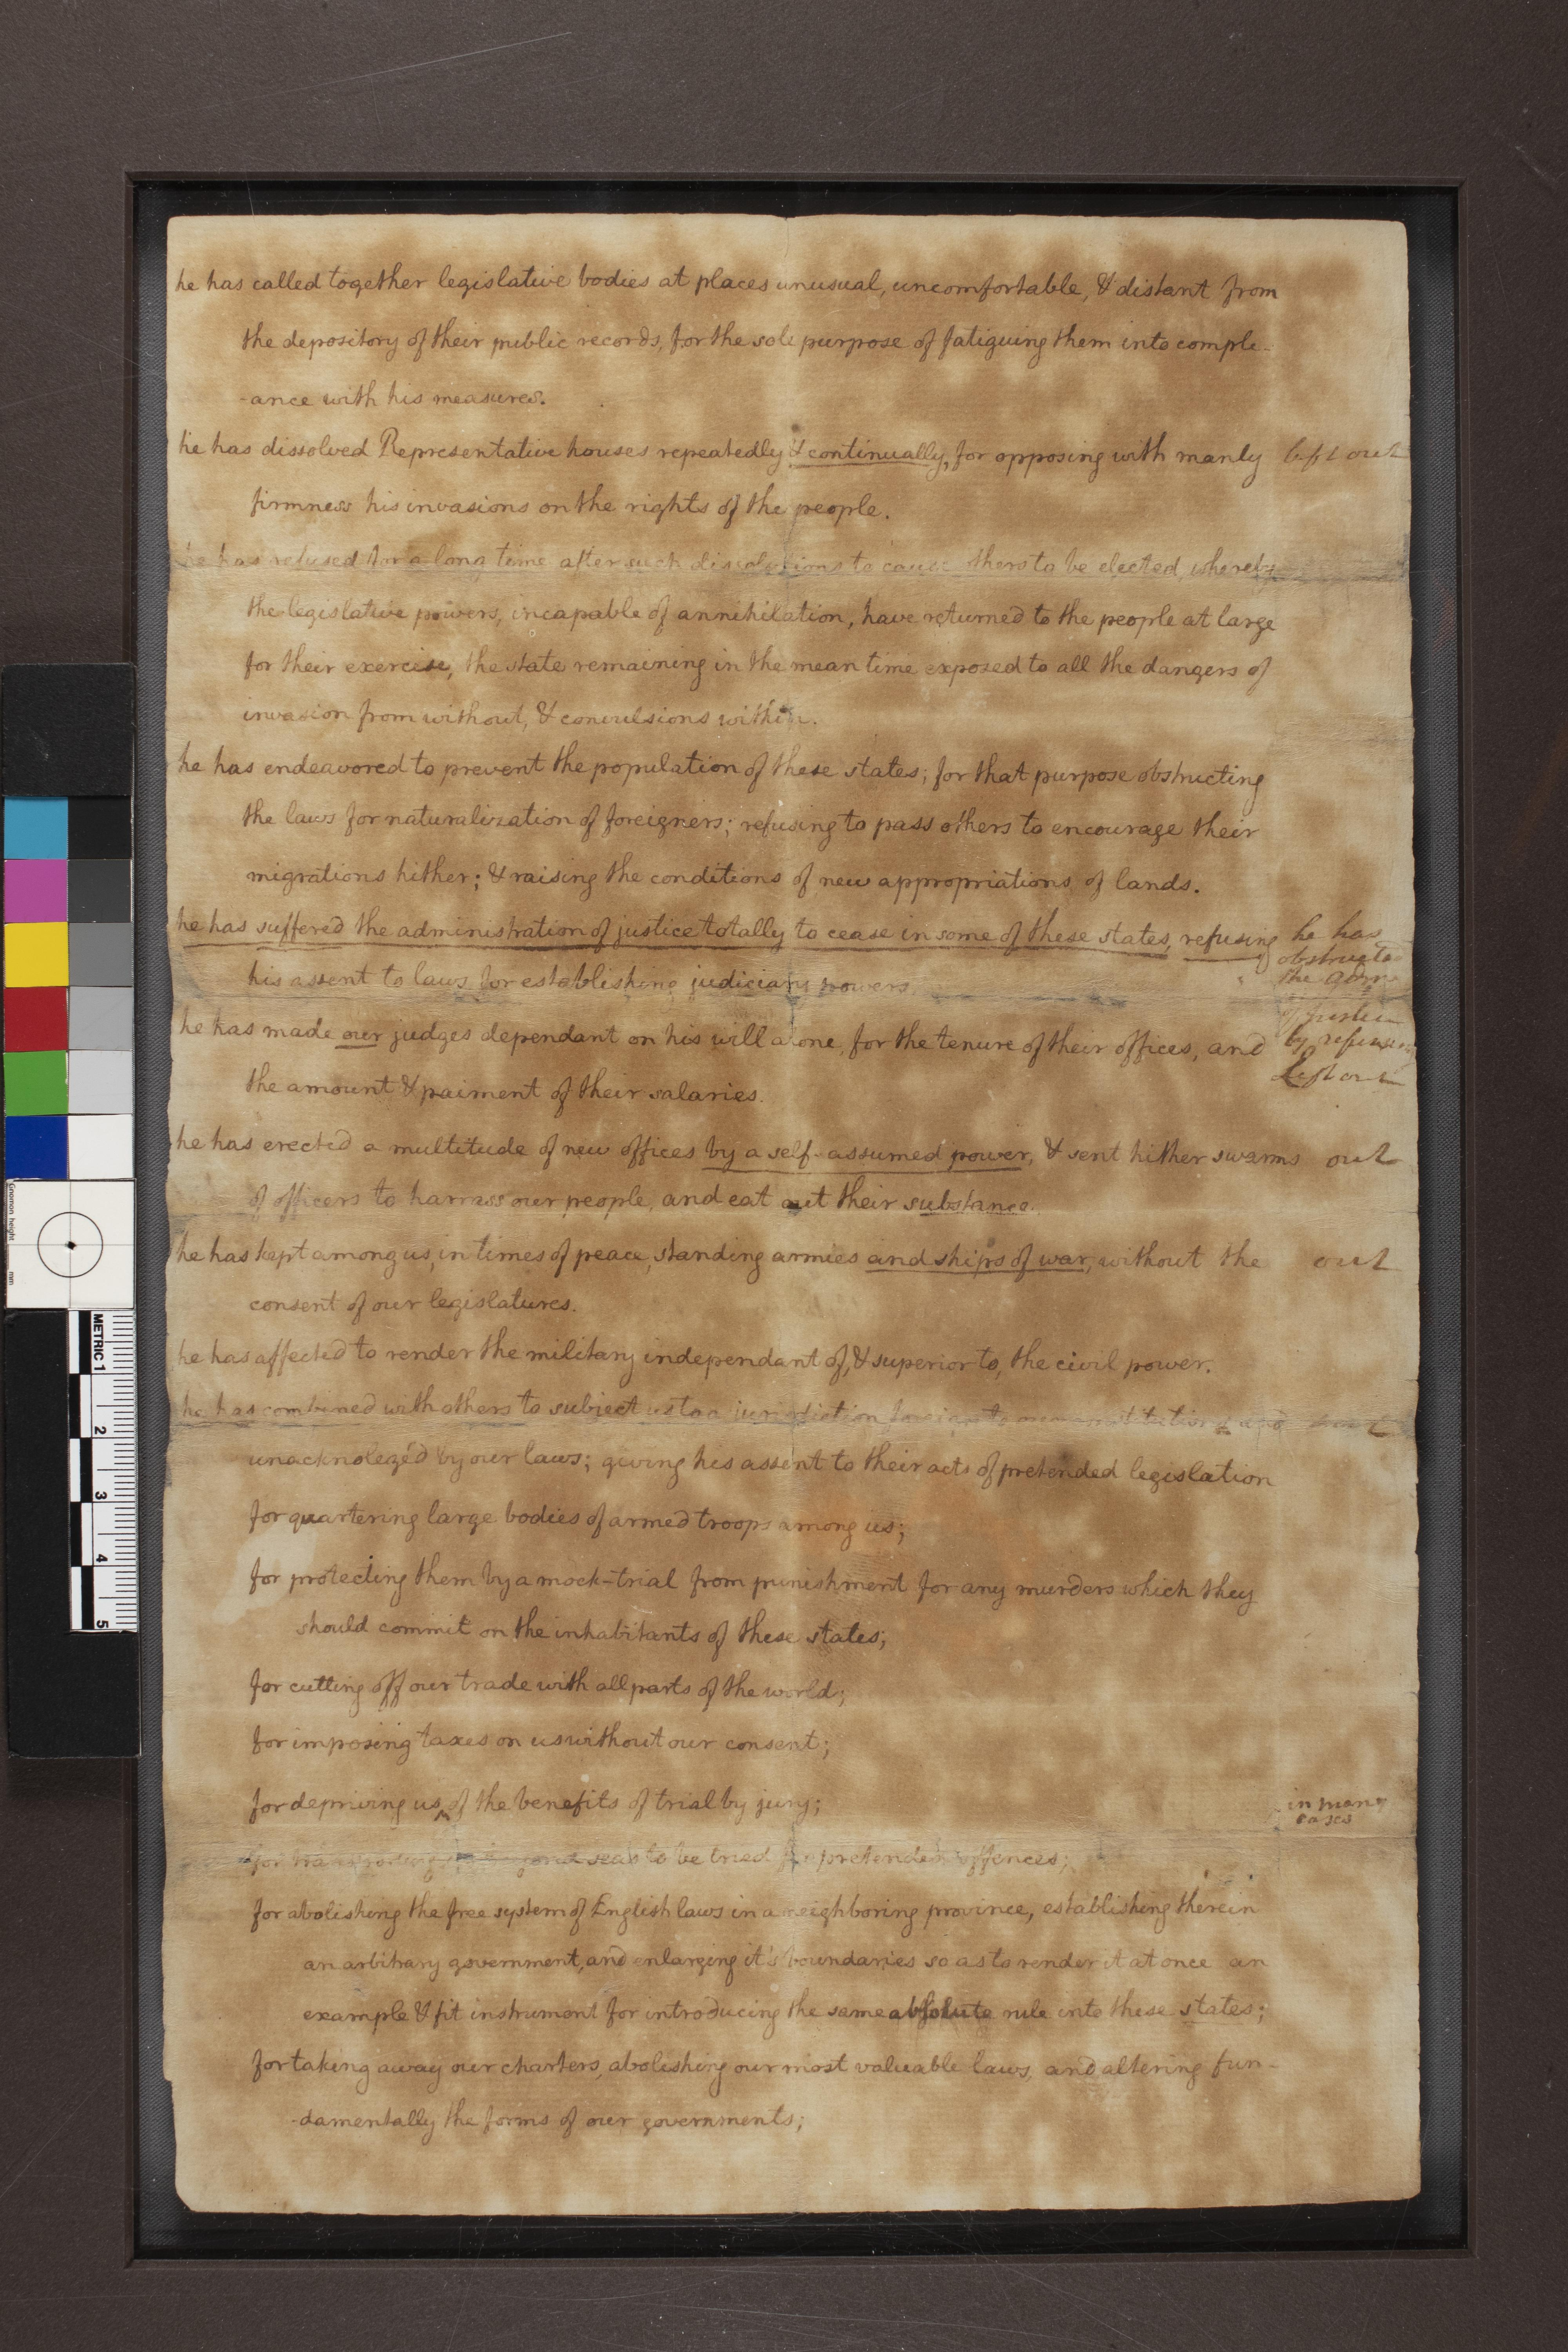he has called together legislative bodies at places unusual, uncomfortable, & distant from
the depository of their public records, for the sole purpose of fatiguing them into compli-
-ance with his measures.
he has dissolved Representative houses repeatedly & continually, for opposing with manly left out
firmness his invasions on the rights of the people.
he has as refused for a long time after such dissolutions to cause others to be elected whereby
the Legislative powers, incapable of Annihilation, have returned to the people at large
for their exercise, the state remaining in the meantime exposed to all the dangers of
invasion from without, & conculsions within
he has endeavored to prevent the population of these states, for that purpose obstructing
the laws for naturalization of foreigners; refusing to pass others to encourage their
migrations hither; & raising the conditions of new appropriations of lands.
he has suffered the administration of justice totally to cease in some If these states refusing he has
his assent to laws for establishing judiciary powers.
obstructed
the admin-
he has made our judges dependent on his will alone for the tenure of their offices,
of justice
the amount & paiment of their salaries.
by refusing
Left out
he has erected a multitude of new offices by a self assumed power, & sent hither swarms out
officers to harrass our people and eat out their substance.
he has kept among us, in times of peace standing armies and ships of war, without the out
consent of our legislatures.
he has affected to render the military independent of & superior to the civil power.
he has combined with others to subject a jurisdiction foreign to our constitution and left
unacknowledged by our laws; giving his assent to their acts of pretended legislation
for quartering large bodies of armed troops among us;
for protecting them by a mock- trial from prunishment for any murders which they
should commit on the inhabitants of these states;
for cutting off our trade with all parts of the world;
for imposing taxes on us with out our consent;
for depriving us, of the benefits of trail by jury;
in many
For transporting us beyond Seas to be tried for pretended offences;
cases
for abolishing the free system of English laws in a neighboring province, establishing therein
an arbitrary government, and enlarging it's boundaries so as to render it at once an
example & fit instrument for introducing the same absolute rule into these states;
for taking away our charters, abolishing our most valuable laws, and altering fun-
-damentally the forms of our governments;